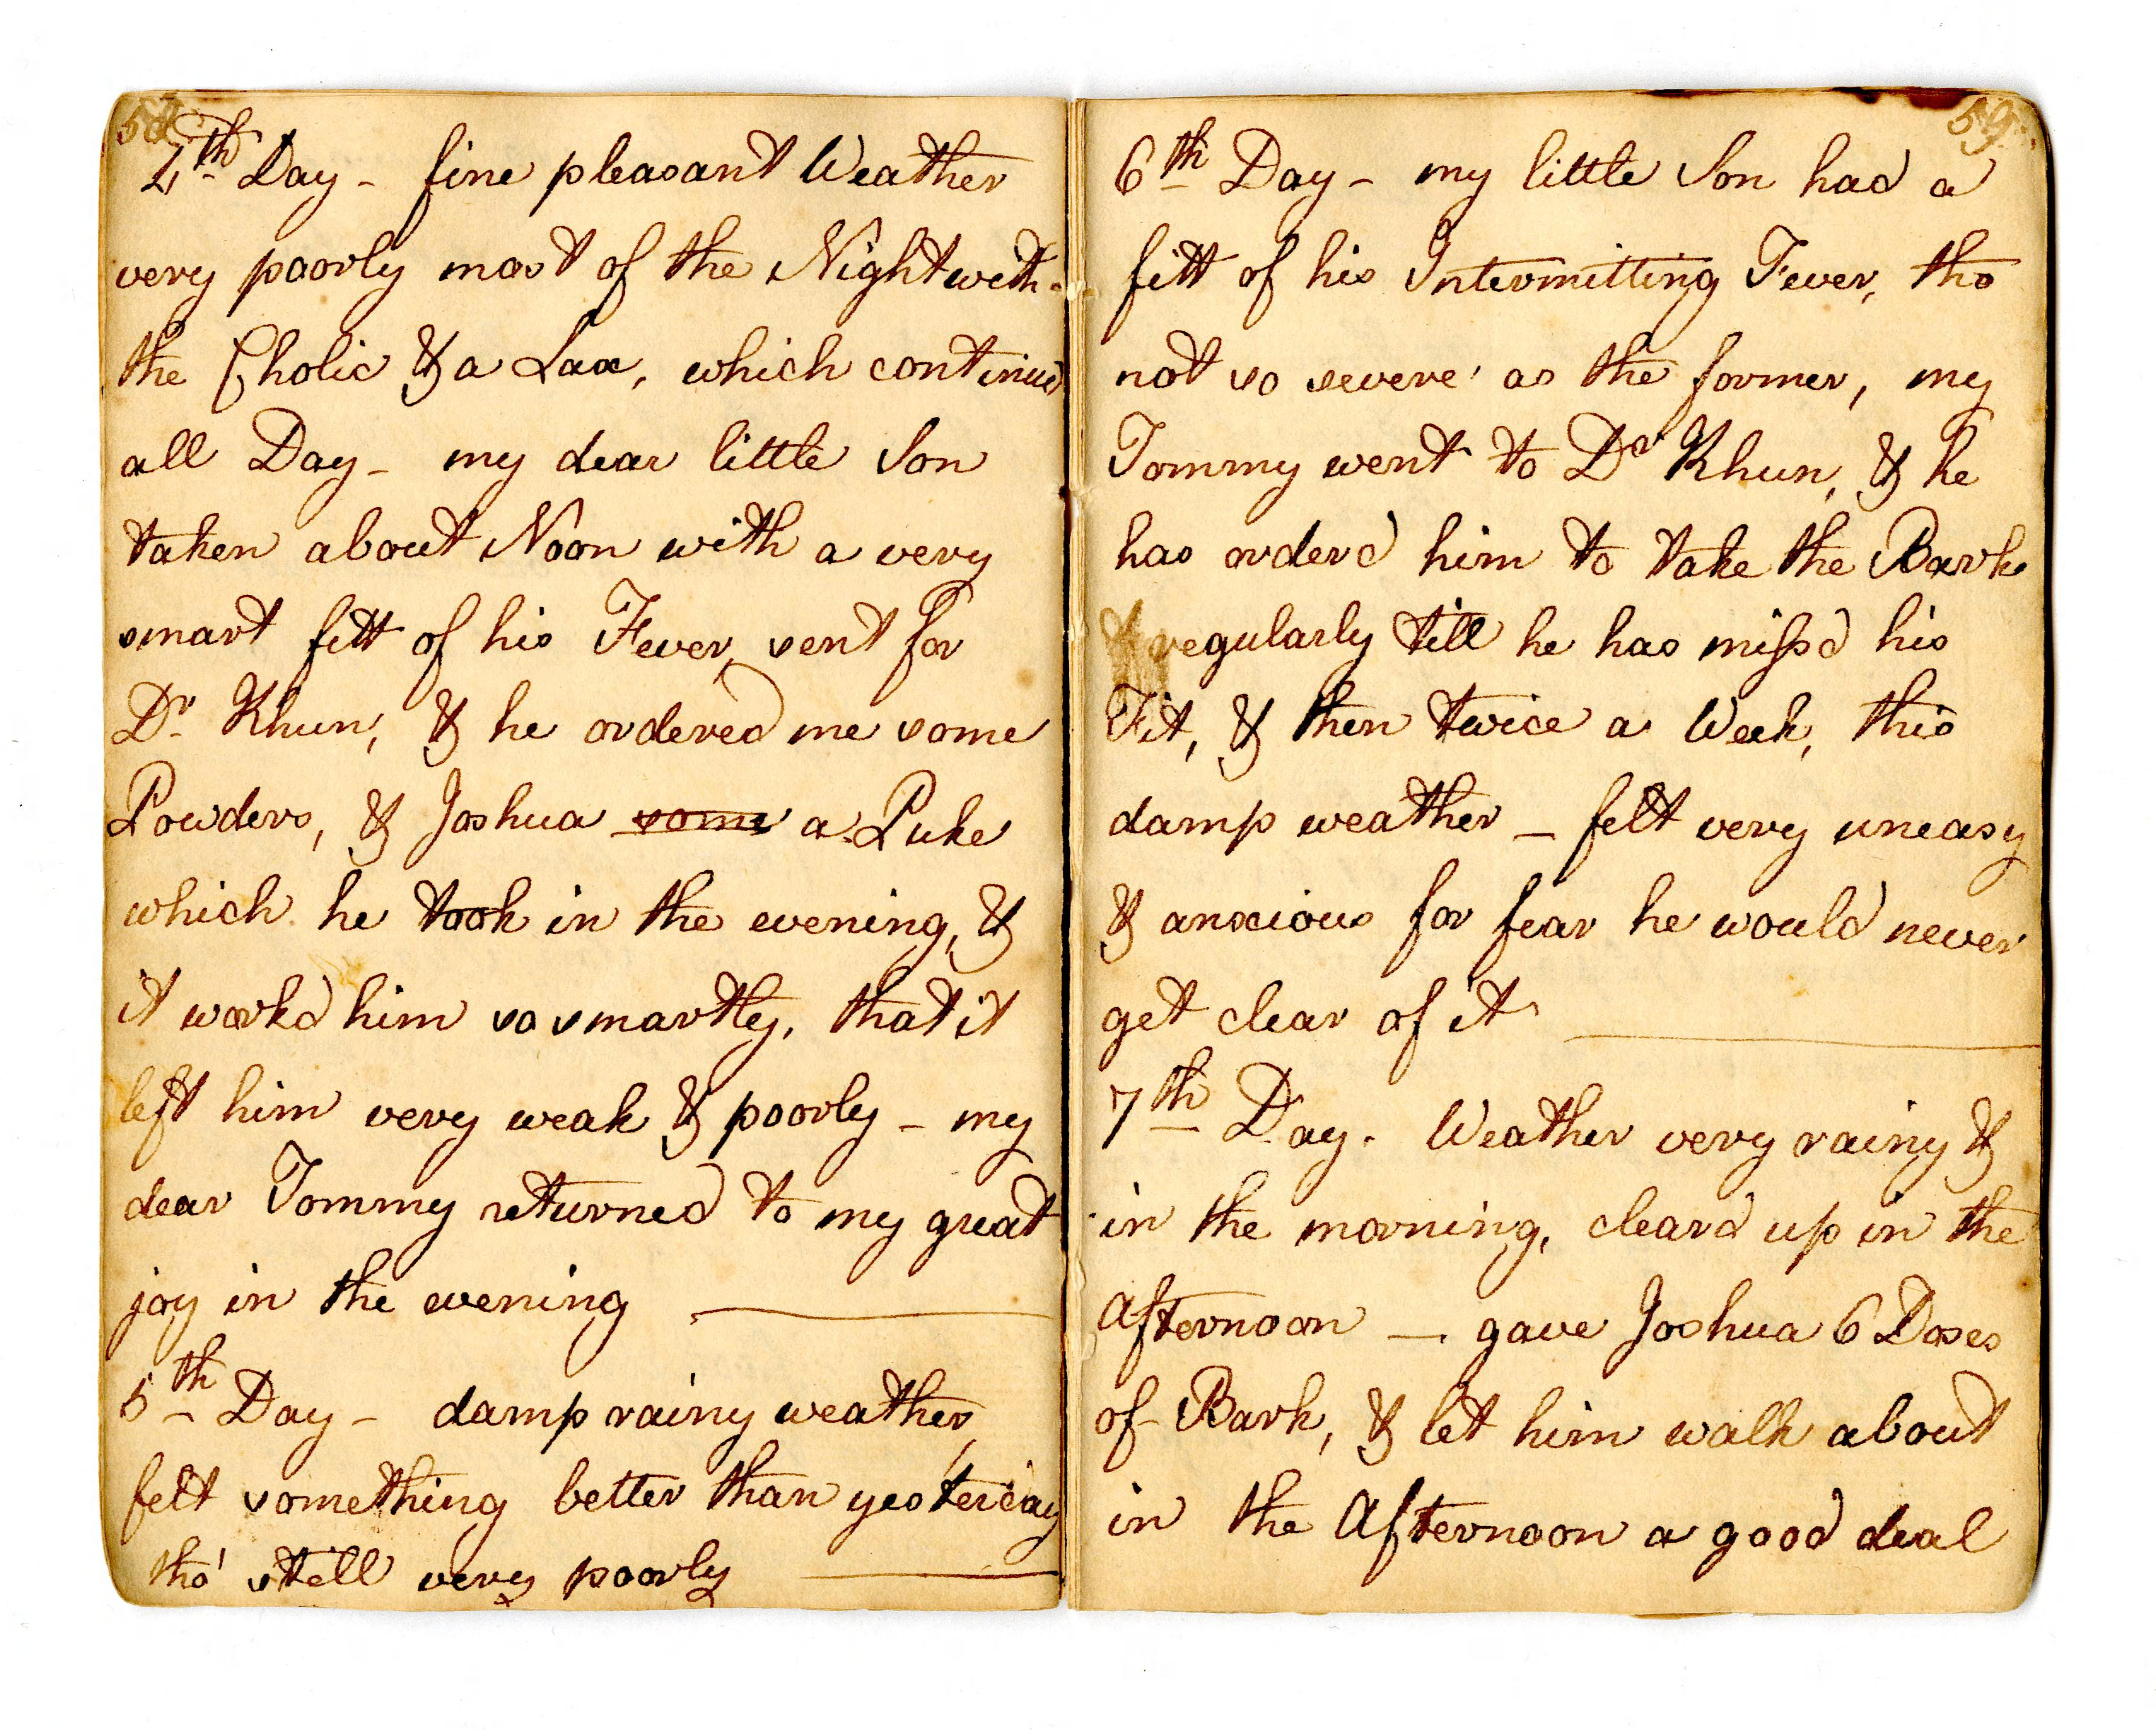58
4^th. Day- fine pleasant Weather
very poorly most of the Night with
the Cholic & a Lax, which continued
all Day- my dear little Son
taken about Noon with a very
smart fitt of his Fever, sent for
D^r. Khun, & he ordered me some
Powders, & Joshua [some] a Puke
which he took in the evening, &
it workd him so smartly, that it
left him very weak & poorly- my
dear Tommy returned to my great
joy in the evening
5^th Day- damp rainy weather
felt something better than yesterday
tho' still very poorly
59
6th Day- my little Son had a
fitt of his Intermitting Fever, tho
not so severe as the former, my
Tommy went to D^r Khun, & he
has orderd him to take the Bark
regularly till he has missd his
Fit, & then twice a Week, this
damp weather- felt very uneasy
& anxious for fear he would never
get clear of it
7^th Day. Weather very rainy &
in the morning, cleard up in the
Afternoon- gave Joshua 6 Doses
of Bark, & let him walk about
in the Afternoon a good deal